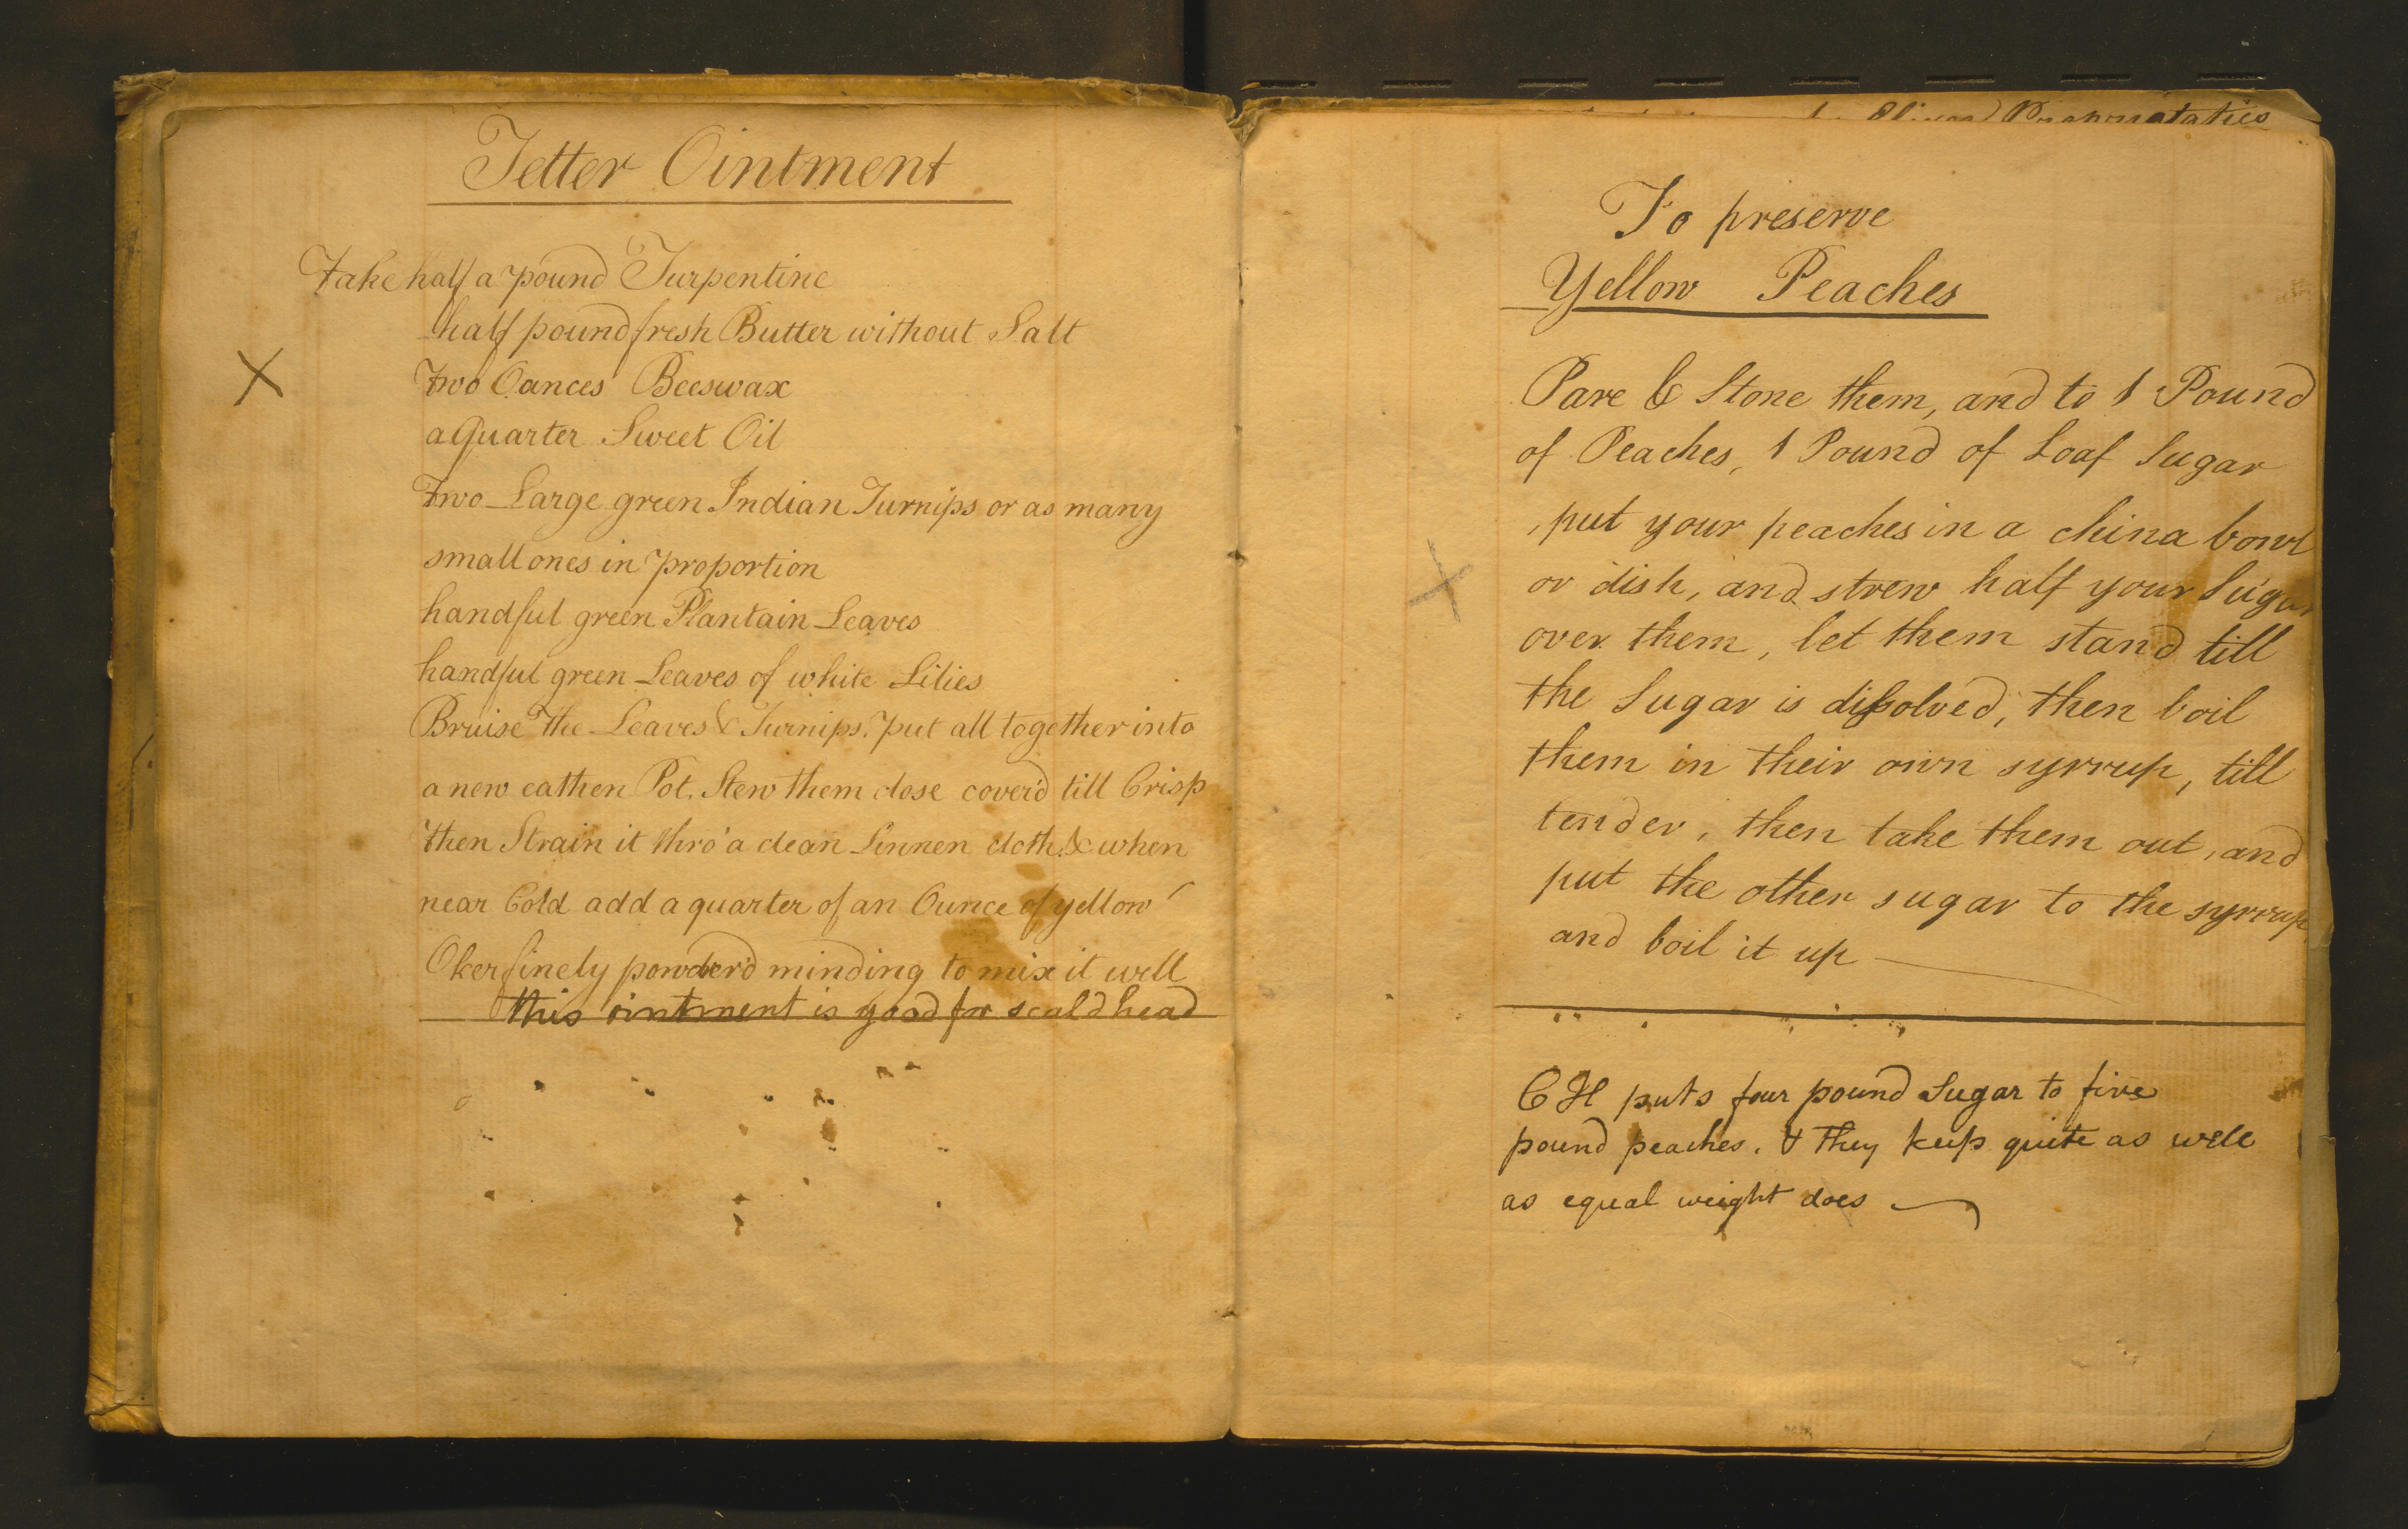Tetter Ointment
Take half a pound Turpentine
half pound fresh Butter without Salt
two Ounces Beeswax
a quarter Sweet Oil
Two Large green Indian Turnips or as many
small ones in proportion
handful green Plantain Leaves
handful green Leaves of white Lilies
Bruise the Leaves & Turnips put all together into
a new earthen Pot. Stew them close cover'd till Crisp
then Strain it thro' a clean Linnen cloth & when
near Cold add a quarter of an Ounce of yellow
Oker finely powder'd minding to mix it well
this ointment is good for scald head
To preserve
Yellow Peaches
Pare & stone them, and to 1 Pound
of Peaches, 1 Pound of Loaf sugar
put your peaches in a china bowl
or dish, and strew half your sugar
over them, let them stand till
the sugar is dissolved, then boil
them in their own syrrup, till
tender, then take them out, and
put the other sugar to the syrrup
and boil it up-
CH puts four pound sugar to five
pound peaches & they keep quite as well
as equal weight does-